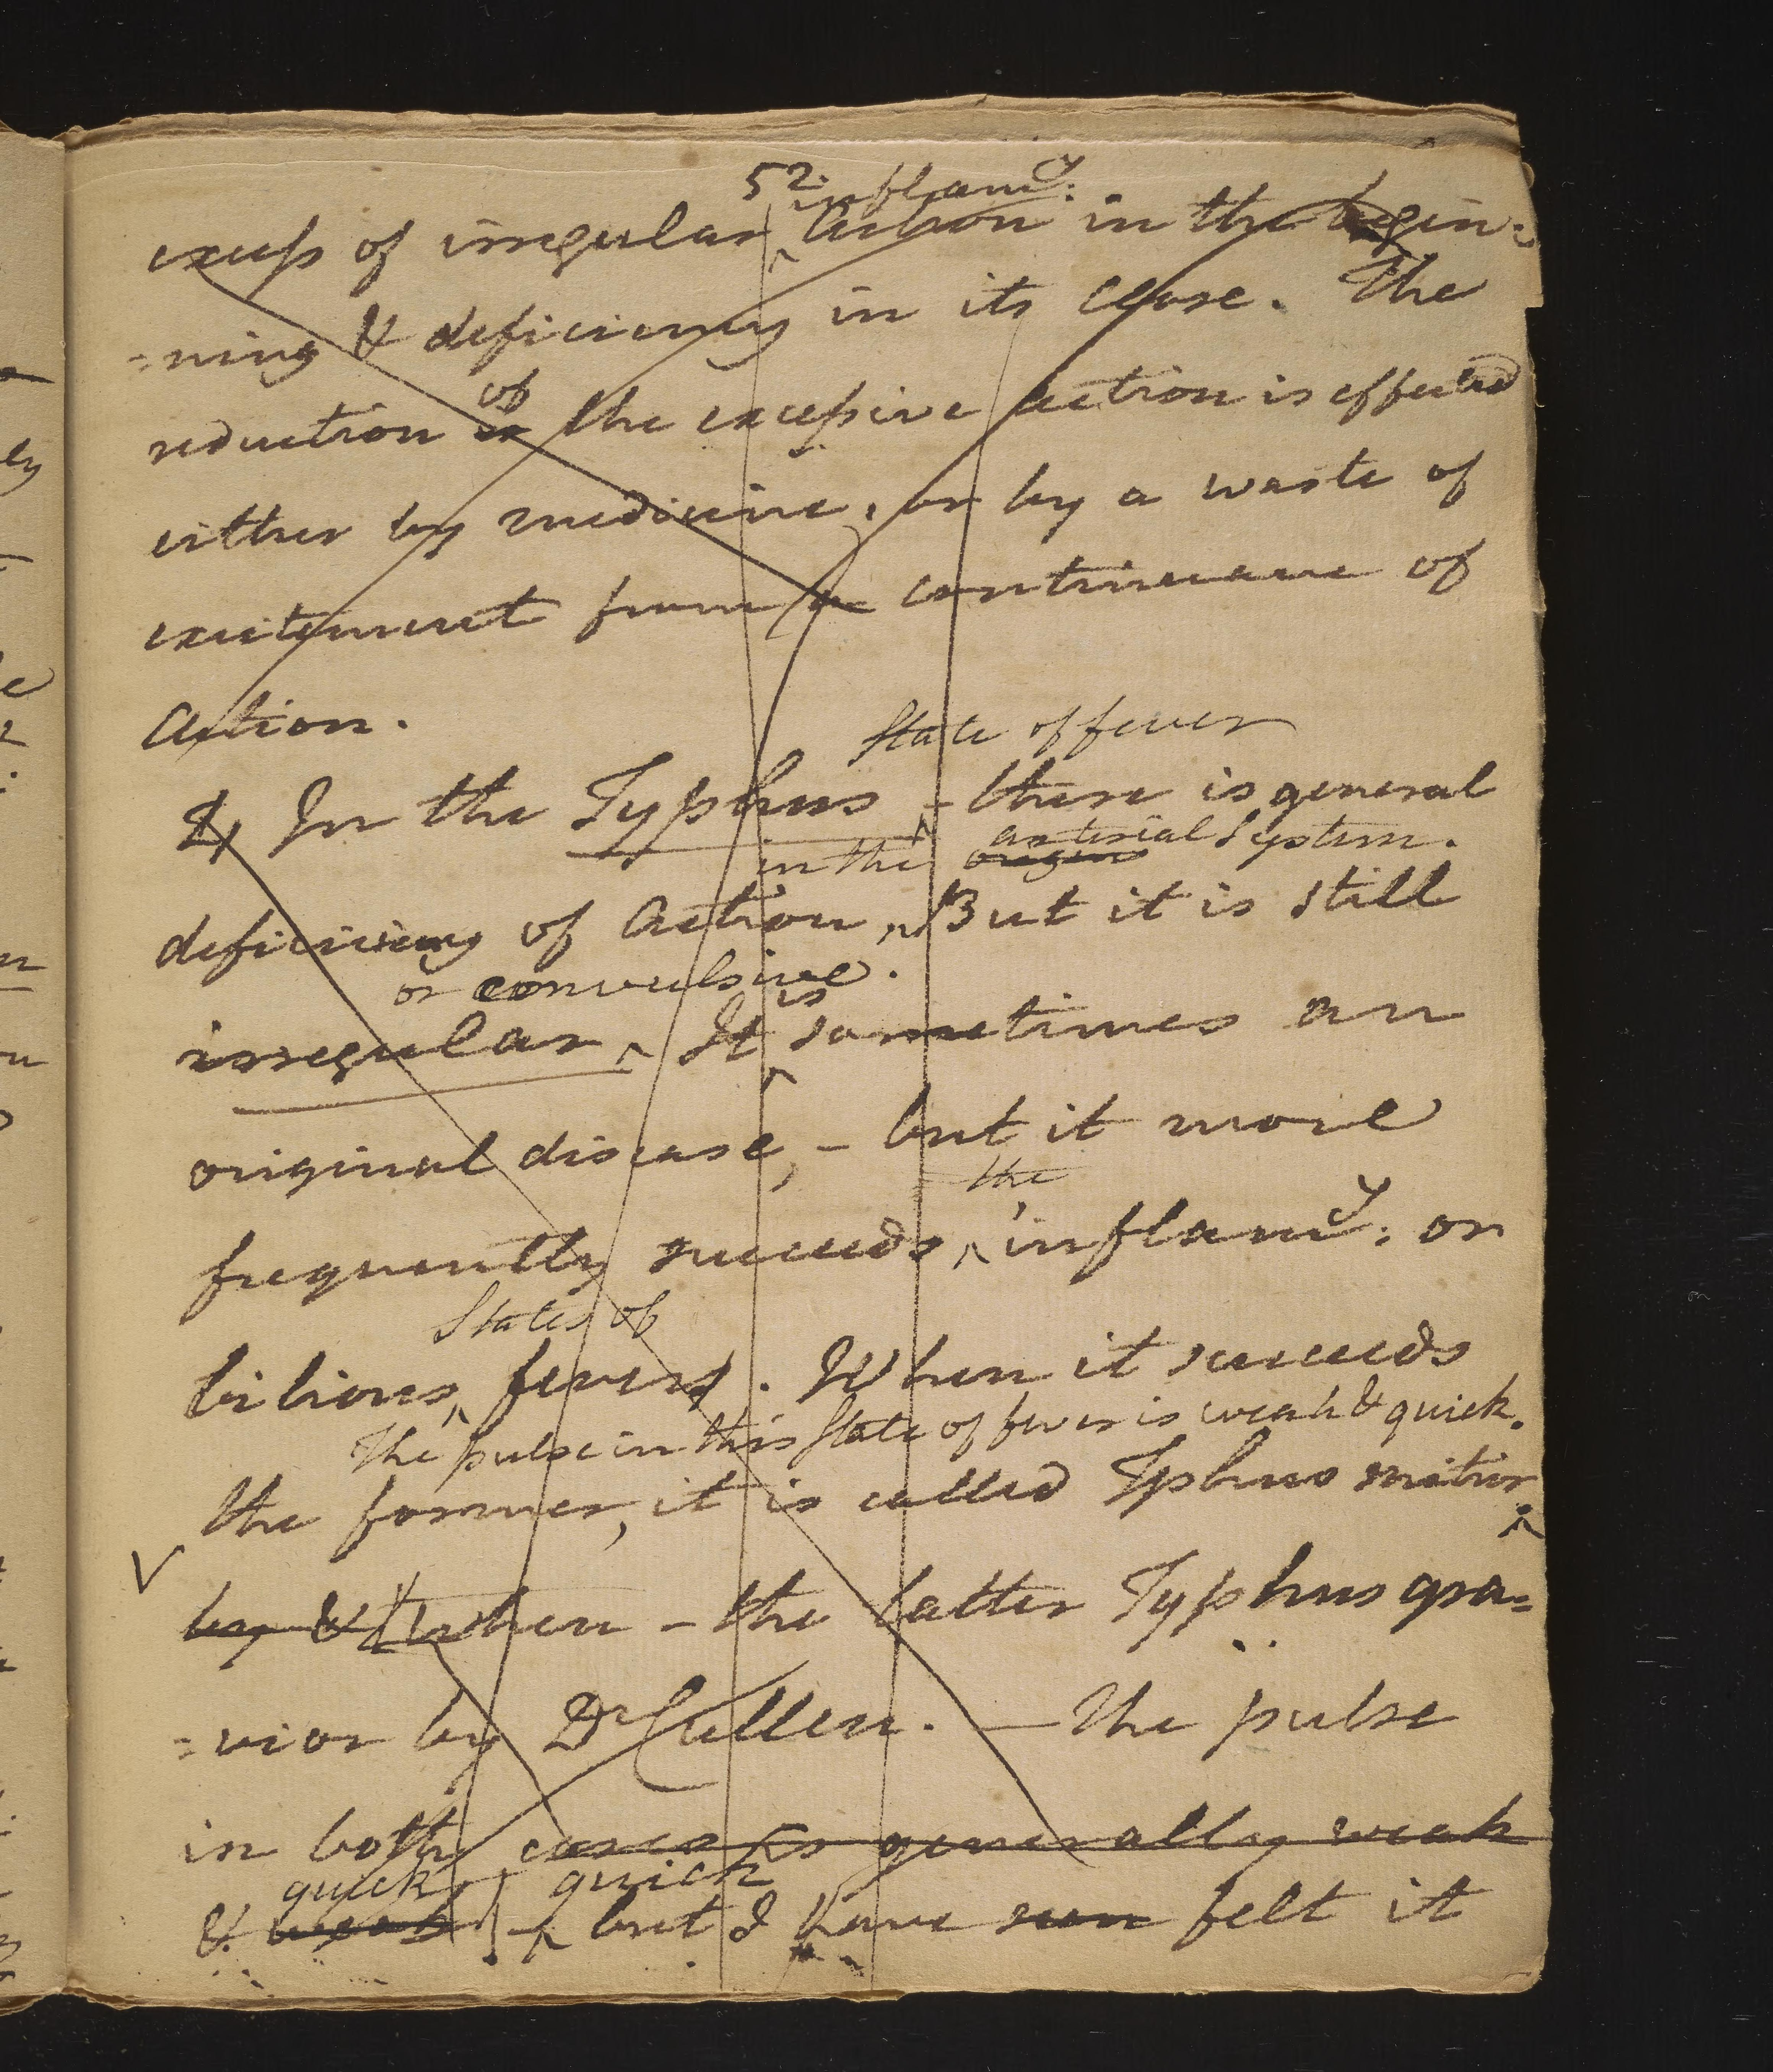52
inflam^y
excess of irregular ^ action in the begin-
-ning & deficiency in its close. The
of
reduction of the excessive action is effected
either by medicine, or by a waste of
excitement from a continuance of
Action.
state of fever
4 In the Typhus ^ there is general
in the [organ]
arterial system
deficiency of Action ^ But it is still
or convulsive.
is
irregular ^ It ^ sometimes an
original disease, but it more
the
frequently succeeds ^ inflam^y or
State of
bilious ^ fevers. When it succeeds
The pulse in this state of fever is weak & quick.
the former, it is called typhus maitor.
V by & (When, the latter Typhus gra-
-vior by D^r Cullen. The pulse
in both [cases is generally weak]
quickly quick
& weak ^ but I have sure felt it